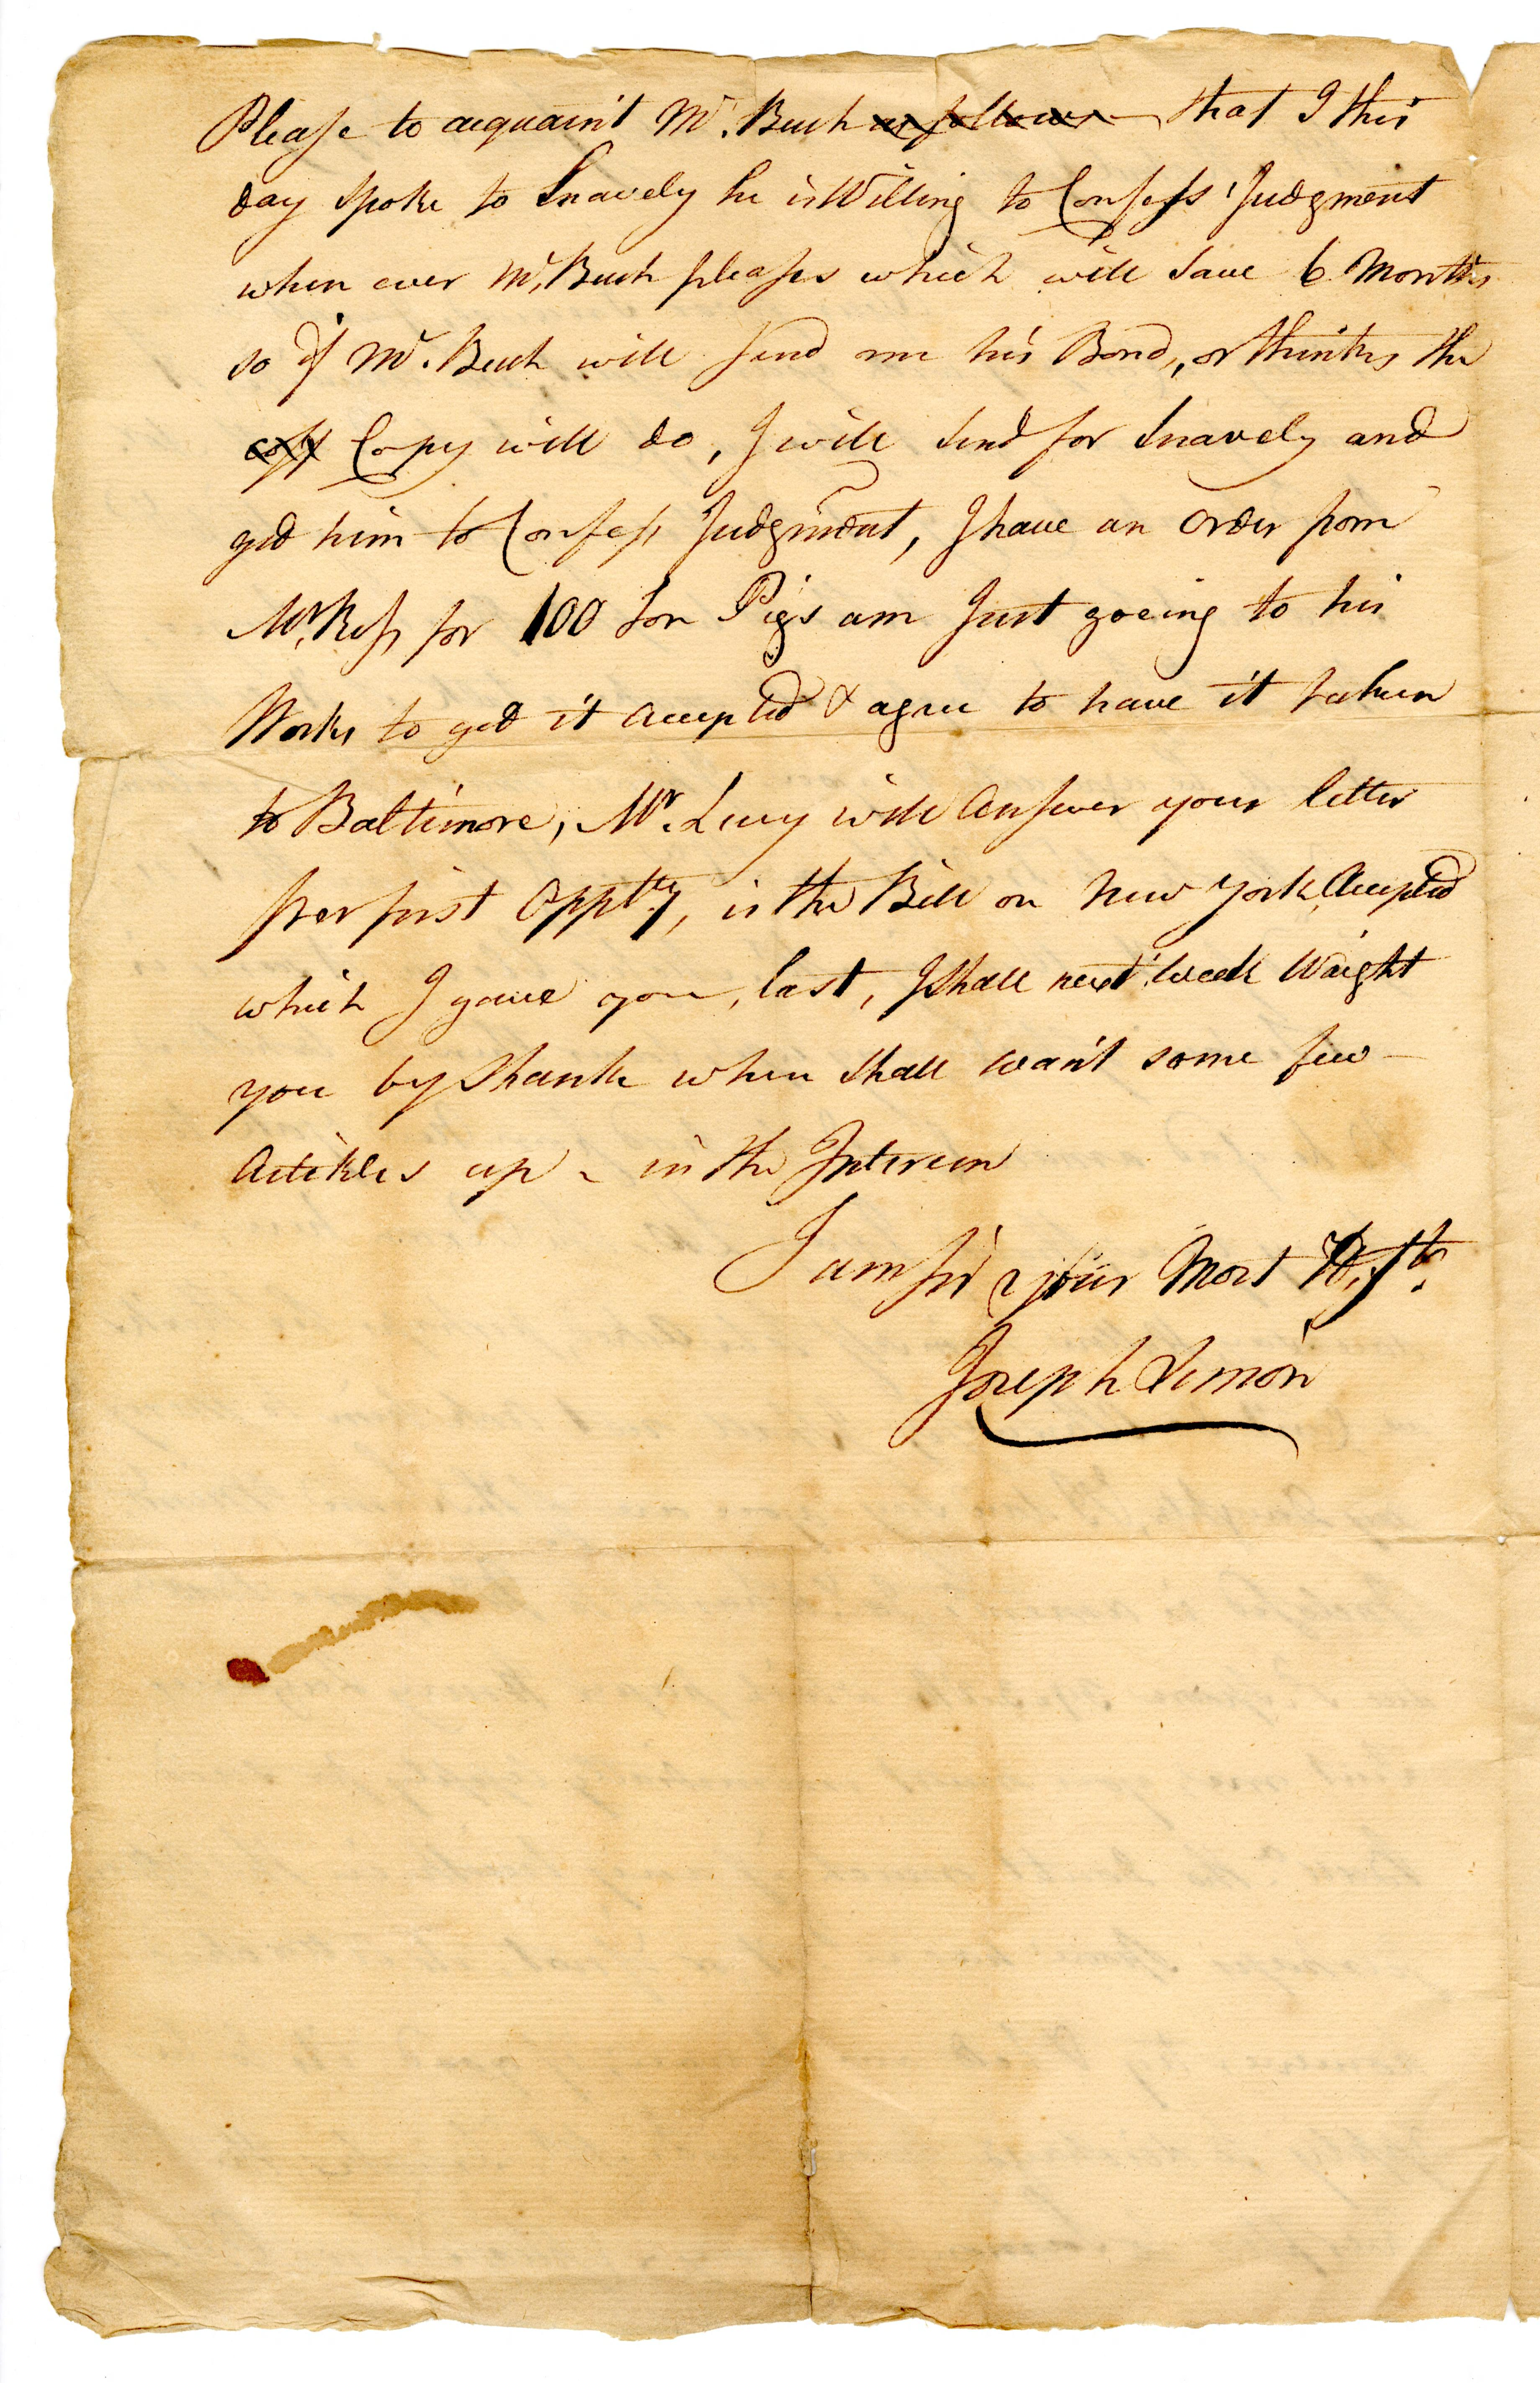Please to acquaint M^r Bush [as follows]- that I this
day spoke to Snavely he is Willing to Confess Judgment
when ever M^r Bush pleases which will Save 6. Months
so if M^r Bush will send on his Bond, or thinks the
[cop] Copy will do, I will send for Snavely and
ged him to Confess Judgement, I have an order from
M^r Ross for 100 Ton Pigs am just goeing to his
Works to God it Accepted & agree to have it taken
to Baltimore, M^r. Levy will answer your letter
per first opp^ty, is the Bill on New York, accepted
which I give you, last, I shall next week Wright
you by Shank when shall want some few.-
artikles up.- in the Interim
I am sir your most H. S^t.
Joseph Simon